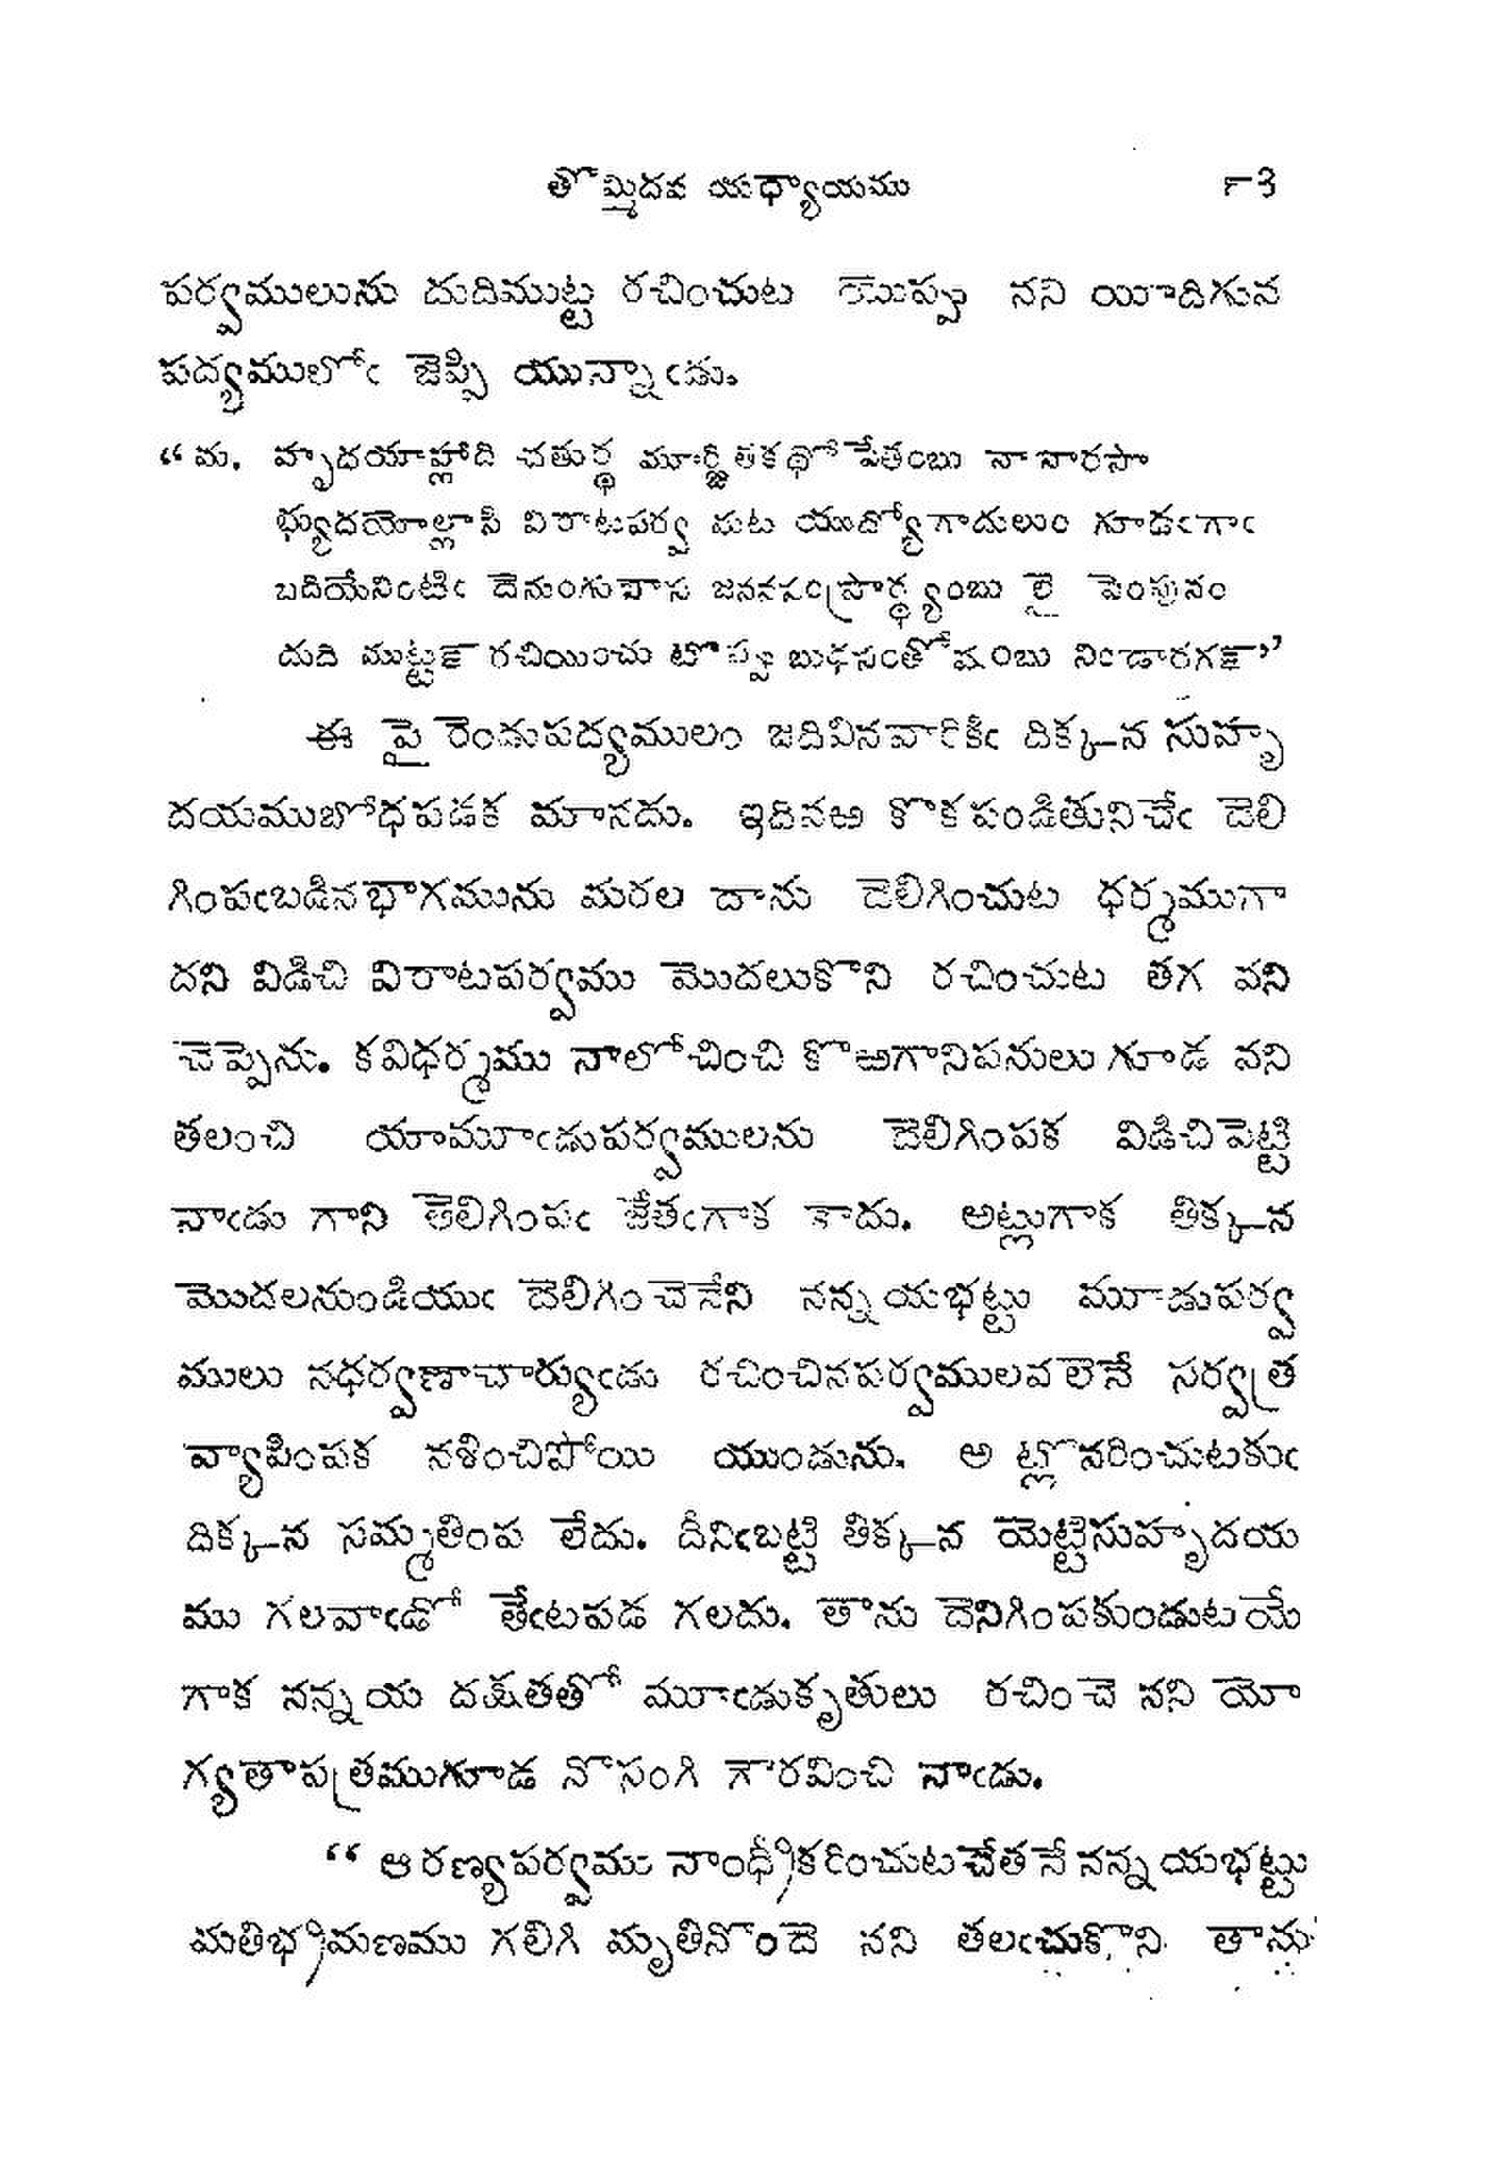పర్వములును దుదిముట్ట రచించుట యొప్పు నని యిఅదిగువ పద్యములోఁ జెప్పి యున్నాఁడు. 

"మ. హృదయాహ్లాది చతుర్థ మూర్జితకథోపేతంబు నానారసా
 భ్యుదయోల్లాసి విరాటపర్వ మట యుద్యోగాదులుం గూడఁగాఁ 
 బదియేనింటిఁ దెనుంగుబాస జననసంప్రార్థ్యంబు లై పెంపునం 
 దుది ముట్ట౯ రచియించు టొప్పు బుధసంతోషంబు నిండారగ౯ ”
ఈ పై రెండుపద్యములం జదివినవారికిఁ దిక్కన సుహృదయముబోధపడక మానదు. ఇదివఱ కొకపండితునిచేఁ దెలిగింపఁబడినభాగమును మరల దాను దెలిగించుట ధర్మముగాదని విడిచి విరాటపర్వము మొదలుకొని రచించుట తగ వని చెప్పెను. కవిధర్మము నాలోచించి కొఱగానిపనులు గూడ వని తలంచి యామూఁడుపర్వములను దెలిగింపక విడిచిపెట్టినాఁడు గాని తెలిగింపఁ జేతఁగాక కాదు. అట్లుగాక తిక్కన మొదలనుండియుఁ దెలిగించెనేని నన్నయభట్టు మూడుపర్వములు నధర్వణాచార్యుఁడు రచించినపర్వములవలెనే సర్వత్ర వ్యాపింపక నశించిపోయి యుండును. అ ట్లొనరించుటకుఁ దిక్కన సమ్మతింప లేదు. దీన్నిఁబట్టి తిక్కన యెట్టెసుహృదయము గలవాఁడో తేఁటపడ గలదు. తాను దెనిగింపకుండుటయే గాక నన్నయ దక్షతతో మూఁడుకృతులు రచించె నని యోగ్యతాపత్రముగూడ నొసంగి గౌరవించి నాఁడు.

"ఆరణ్యపర్వము నాంధ్రీకరించుటచేతనే నన్నయభట్టు మతిభ్రమణము గలిగి మృతినొందె నని తలఁచుకొని తాను